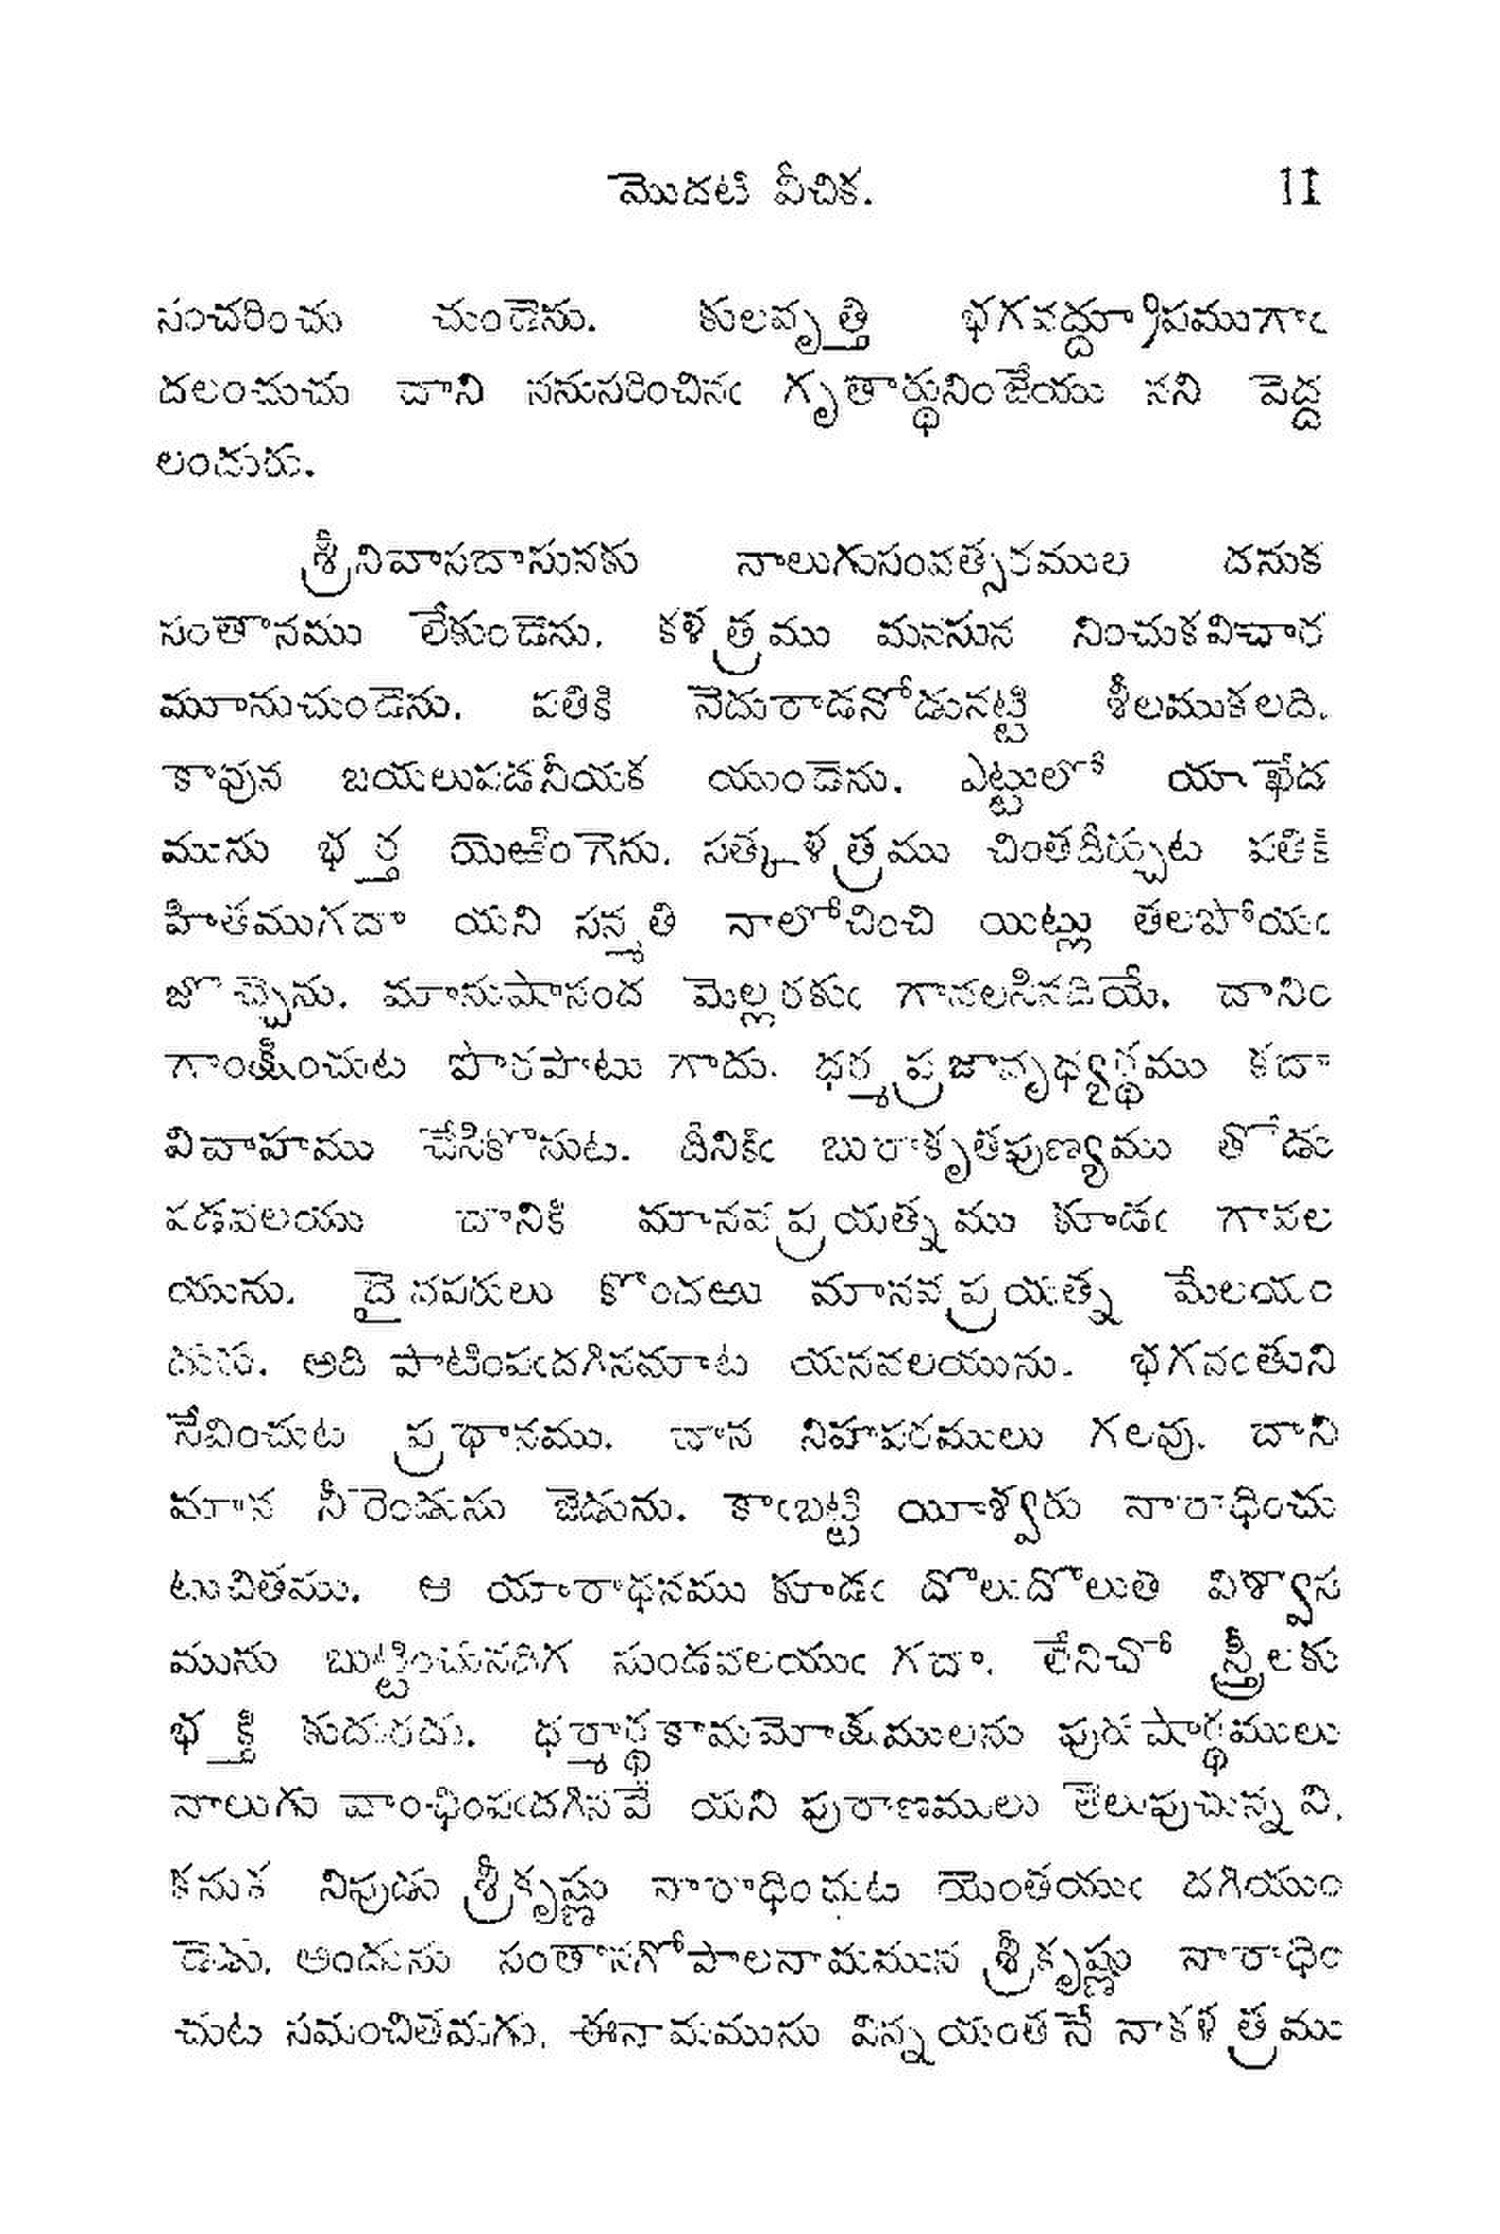సంచరించు చుండెను. కులవృత్తి భగవద్దూపముగాఁ దలంచుచు దాని సనుసరించినఁ గృతార్థునిం జేయు సని పెద్ద లందురు.

శ్రీనివాసదాసునకు నాలుగుసంవత్సరముల దనుక సంతానము లేకుండెను. కళత్రము మనసున నించుక విచార మూనుచుండెను. పతికి నెదురాడనోడునట్టి శీలముకలది. కావున బయలుపడనీయక యుండెను. ఎట్టులో యా ఖేదమును భర్త యెఱిం గెను. సత్కళత్రము చింత దీర్చుట పతికి హితముగదా యని సన్మతి నాలోచించి యిట్లు తలపోయఁ జొచ్చెను. మానుషానంద మెల్ల రకుఁ గావలసినదియే. దానిం గాంక్షించుట పొరపాటు గాదు. ధన ప్రజావృధ్యర్ధము కదా వివాహము చేసికొనుట. దీనికిఁ బురాకృతపుణ్యము తోడు పడవలయు దానికి మానవ ప్రయత్నము కూడఁ గావలయును. దైవపరులు కొందఱు మానన ప్రయత్న మేలయందురు. అది పాటింపఁదగినమాట యనవలయును. భగవంతుని సేవించుట ప్రధానము. దాన నిహపరములు గలవు. దాని మాన నీ రెండును జెడును. కాఁబట్టి యీశ్వరు నారాధించు టుచితము. ఆ యారాధనము కూడఁ దొలుదొలుత విశ్వాసమును బుట్టించునదిగ నుండవలయుఁ గదా. లేనిచో స్త్రీలకు భక్తి కుదరదు. ధర్మార్ధకామమోక్షములను పురుషార్థములు నాలుగు వాంఛింపదగినవే యని పురాణములు తెలుపుచున్నవి. కనుక నిపుడు శ్రీకృష్ణునారాధించుట యెంతయుఁ దగియుండెను. అందుకు సంతాన గోపాలనామమున శ్రీకృష్ణు నారాధిఁ చుట సమంచితమగు. ఈనామమును విన్నయంతనే నాకళత్రము